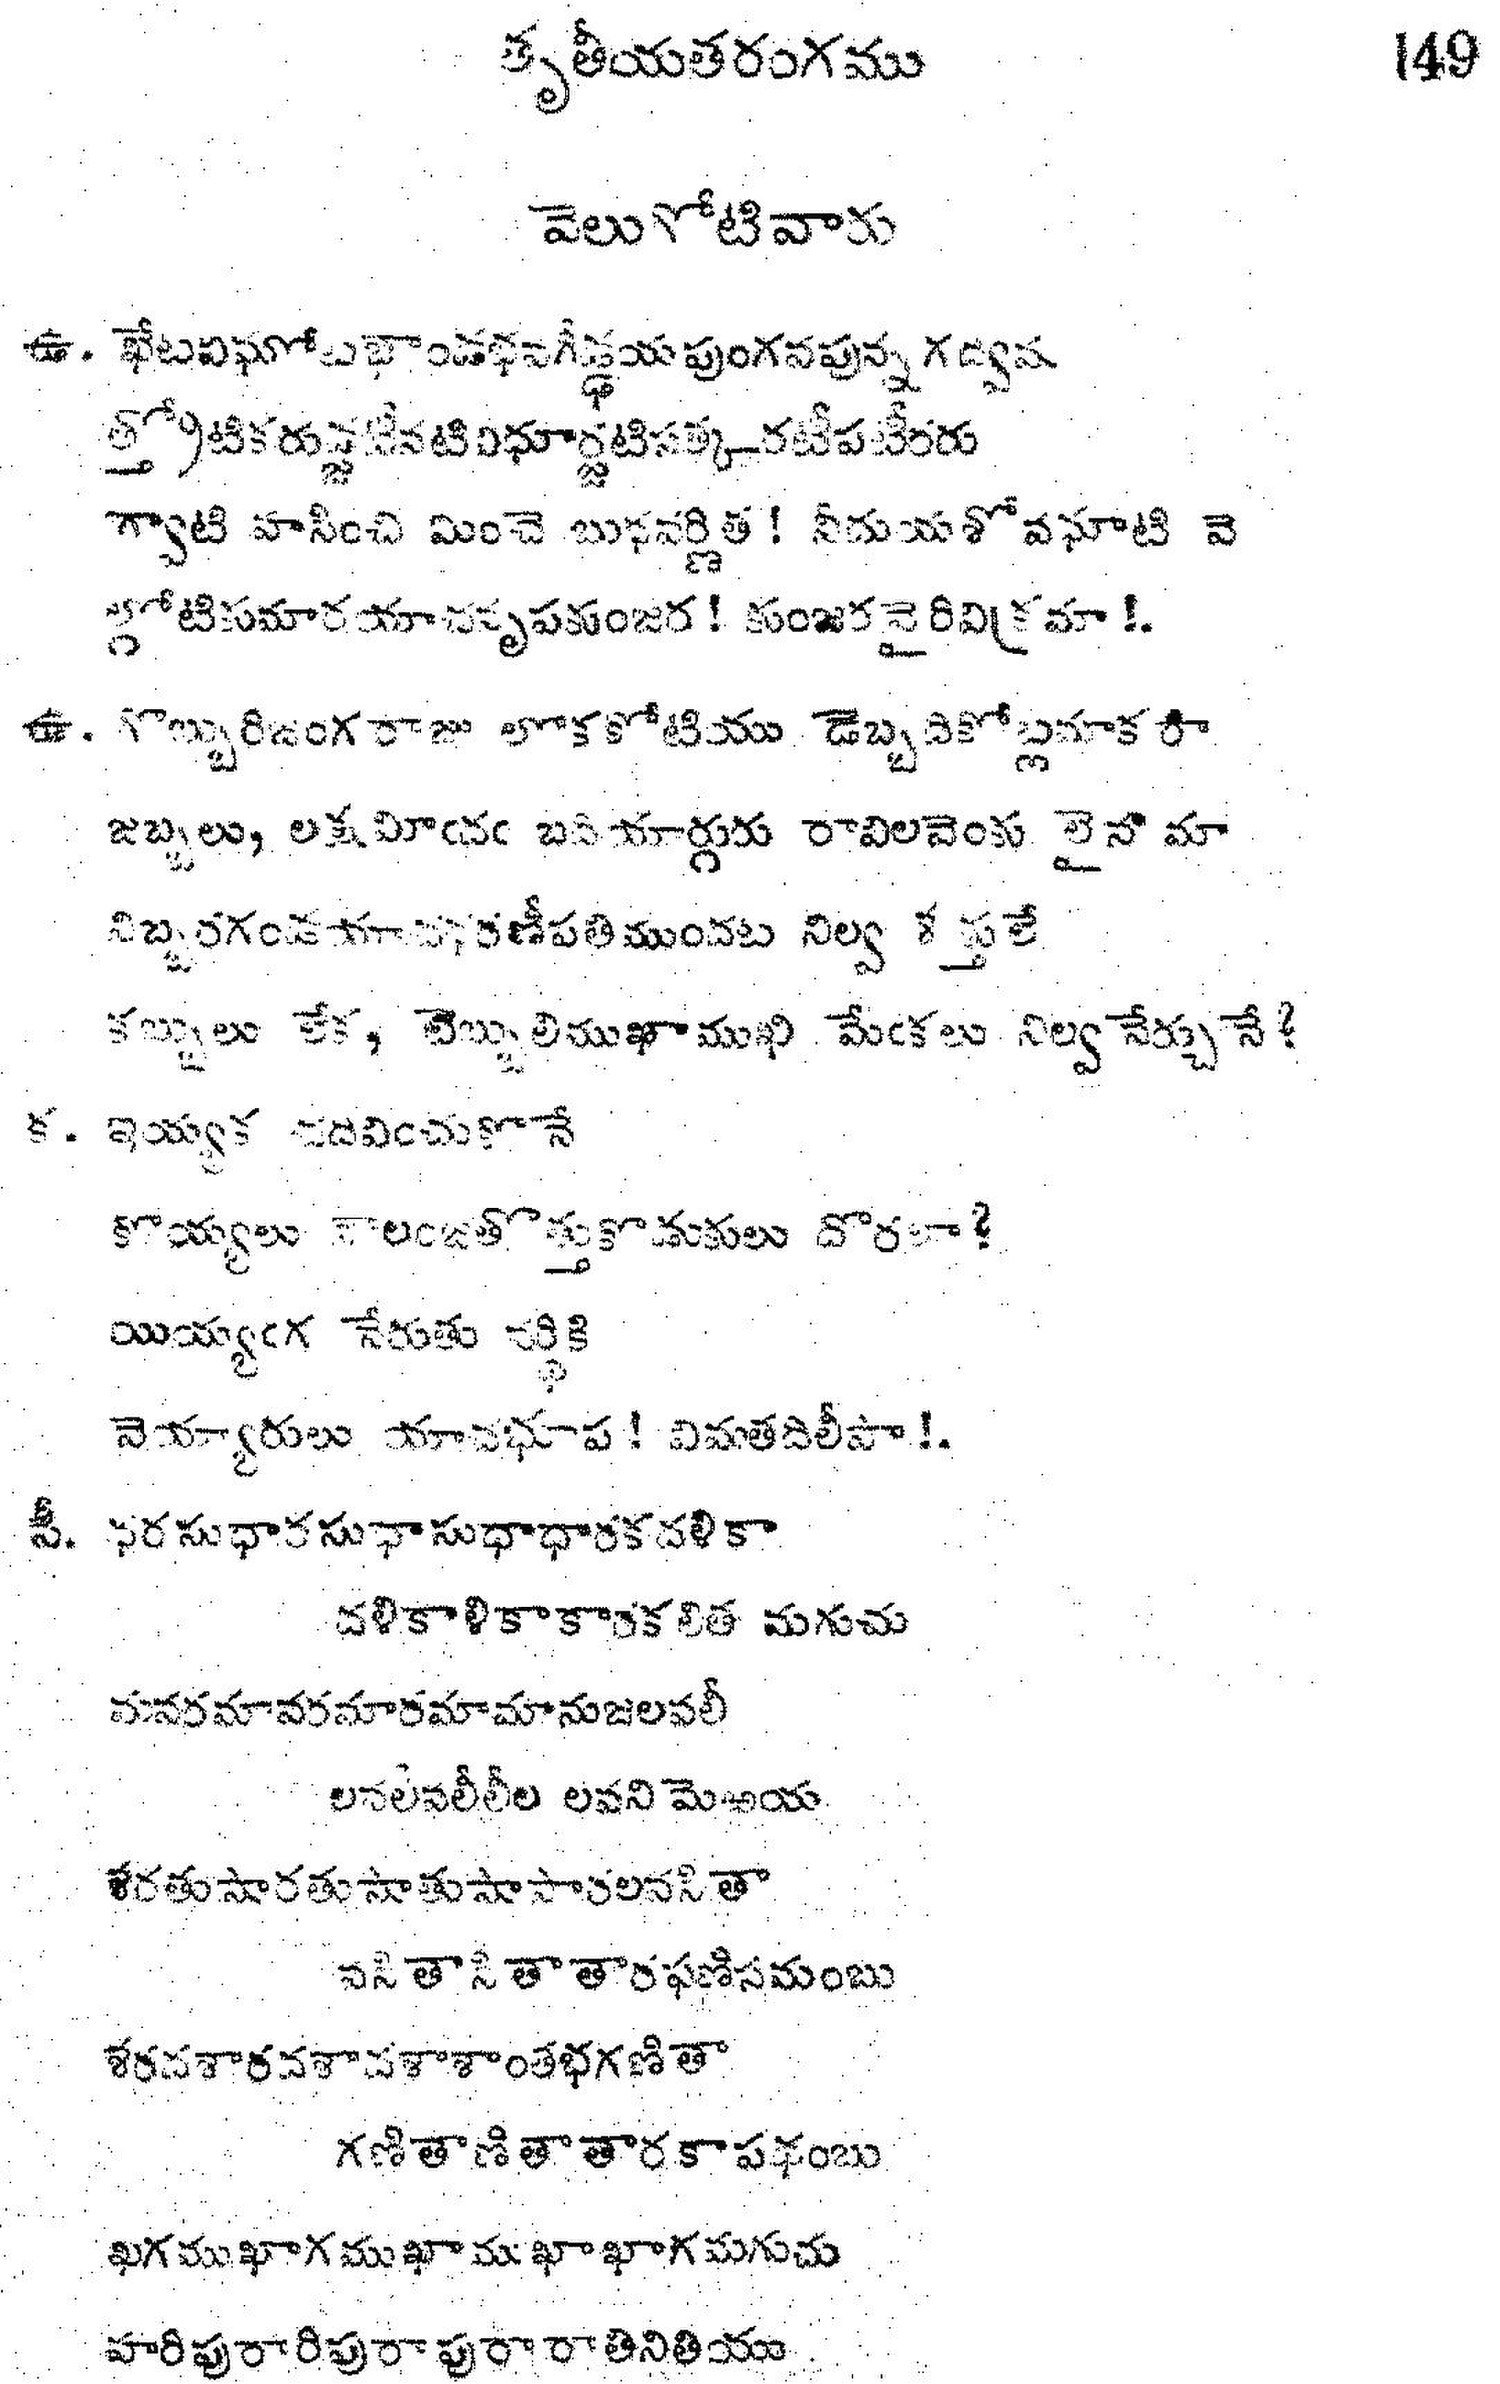ఉ. ఖేటవిఘోటభాండభవగీడ్ఢయపుంగవపున్నగద్విష
 త్త్రోటికరుడ్జటీనటివిధూర్జటిసత్కరటీపటీరరు
 గ్వాటి హసించి మించె బుధవర్ణిత! నీదుయశోవధూటి వె
 ల్గోటికుమారయాచనృపకుంజర! కుంజరవైరివిక్రమా!

ఉ. గొబ్బురిజంగరాజు లొకకోటియు డెబ్బదికోట్లమక రా
 జబ్బలు, లక్షమీఁదఁ బదియార్గురు రావిలవెంకు లైన మా
 విబ్బరగండయాచధరణీపతిముందట నిల్వ శక్తులే
 కబ్బులు లేక, బెబ్బులిముఖాముఖి మేఁకలు నిల్వనేర్చునే?

క. ఇయ్యక చదివించుకొనే
 కొయ్యలు నౌలంజతొత్తుకొడుకులు దొరలా?
 యియ్యఁగ నేరుతు వర్థికి
 వెయ్యారులు యాచభూప! విమతదిలీపా!

సీ. ధరసుధారసుధసుధధారకదళికా
 దళికాళికాకారకలిత మగుచు
 మవరమావరమారమామానుజలవలీ
 లవలవలీలీల లవని మెఱయ
 శరతుషారతుషాతుషాసారలవసితా
 వసితాసితాతారఫణిసమంబు
 శరదశారదశాదశాశాంతభగణితా
 గణితాణితాతారగాపథంబు
 ఖగముఘాగముఖాముఖాఖాగ మగుచు
 హరిపురారిపురాపురారాతినితియు